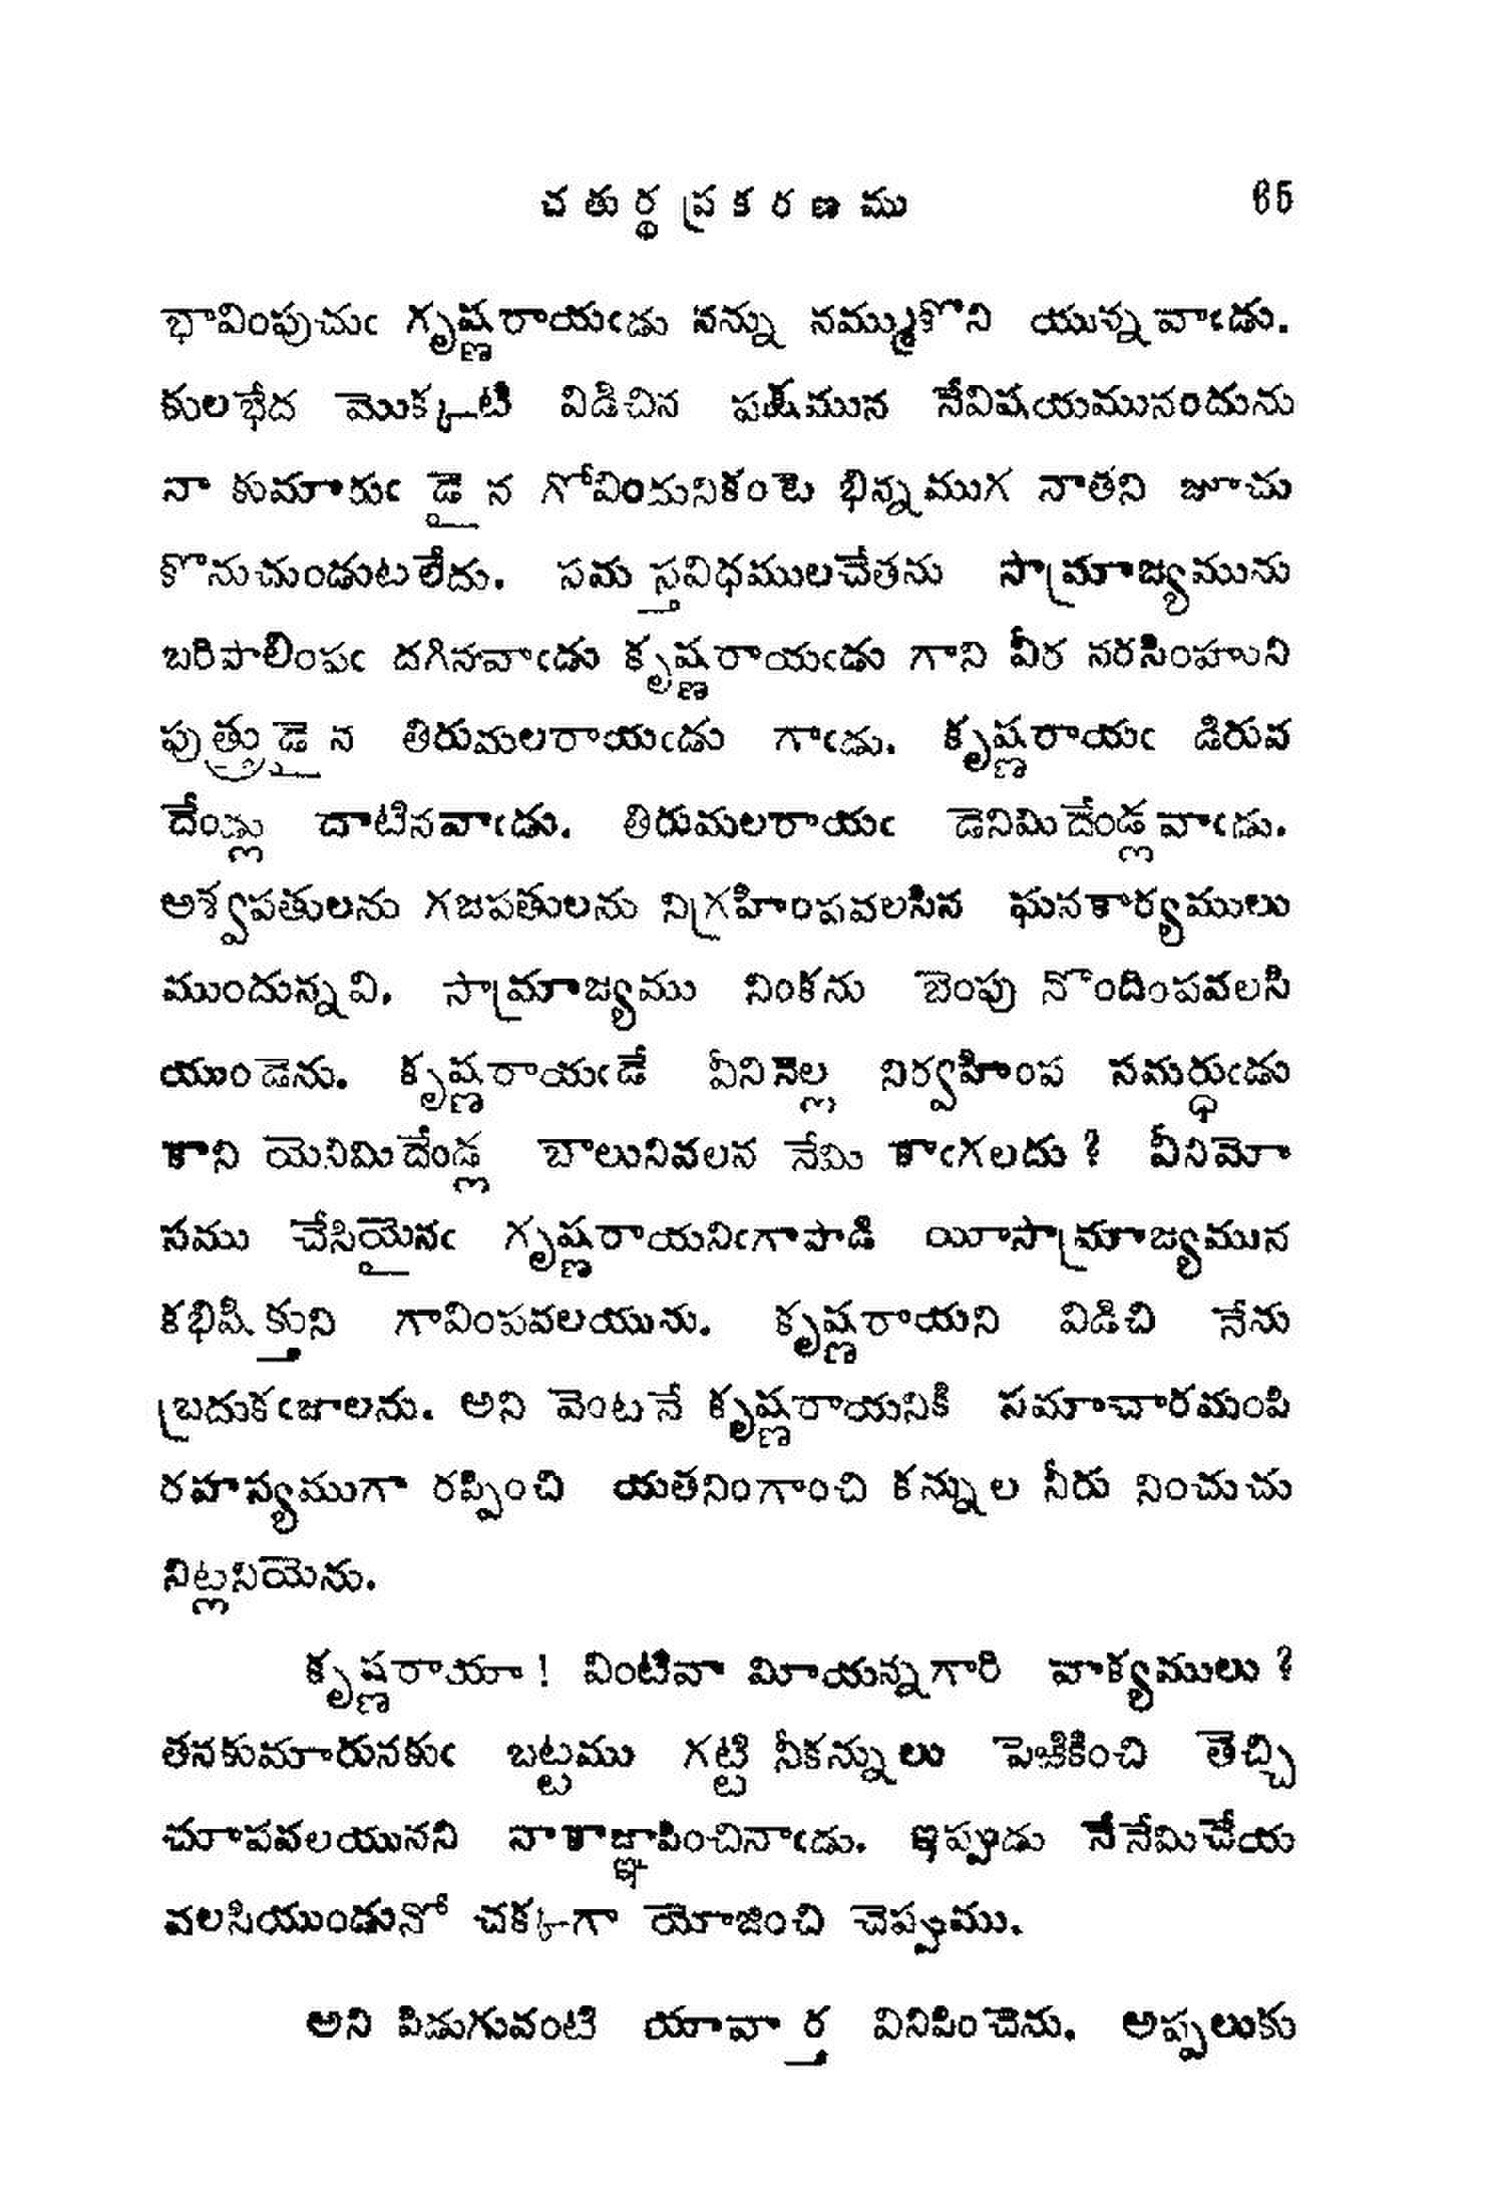భావింపుచుఁ గృష్ణరాయఁడు నన్ను నమ్ముకొని యున్నవాఁడు. కులభేద మొక్కటి విడిచిన పక్షమున నేవిషయమునందును నా కుమారుఁ డైన గోవిందునికంటె భిన్నముగ నాతని జూచు కొనుచుండుటలేదు. సమస్తవిధములచేతను సామ్రాజ్యమును బరిపాలింపఁ దగినవాఁడు కృష్ణరాయఁడు గాని వీరనరసింహుని పుత్త్రుడైన తిరుమలరాయఁడు గాఁడు. కృష్ణరాయఁ డిరువదేండ్లు దాటినవాఁడు. తిరుమలరాయఁ డెనిమిదేండ్లవాఁడు. అశ్వపతులను గజపతులను నిగ్రహింపవలసిన ఘనకార్యములు ముందున్నవి. సామ్రాజ్యము నింకను బెంపు నొందింపవలసి యుండెను. కృష్ణరాయఁడే వీనినెల్ల నిర్వహింప సమర్ధుఁడు కాని యెనిమిదేండ్ల బాలునివలన నేమి కాఁగలదు ? వీనిమోసము చేసియైనఁ గృష్ణరాయనిఁగాపాడి యీసామ్రాజ్యమున కభిషిక్తుని గావింపవలయును. కృష్ణరాయని విడిచి నేను బ్రదుకఁజాలను. అని వెంటనే కృష్ణరాయనికి సమాచారమంపి రహస్యముగా రప్పించి యతనింగాంచి కన్నుల నీరు నించుచు నిట్లనియెను.

కృష్ణరాయా! వింటివా మీయన్నగారి వాక్యములు? తనకుమారునకుఁ బట్టము గట్టి నీకన్నులు పెఱికించి తెచ్చి చూపవలయునని నాజ్ఞాపించినాఁడు. ఇప్పుడు నేనేమిచేయ వలసియుండునో చక్కగా యోజించి చెప్పుము.

అని పిడుగువంటి యావార్త వినిపించెను. అప్పలుకు